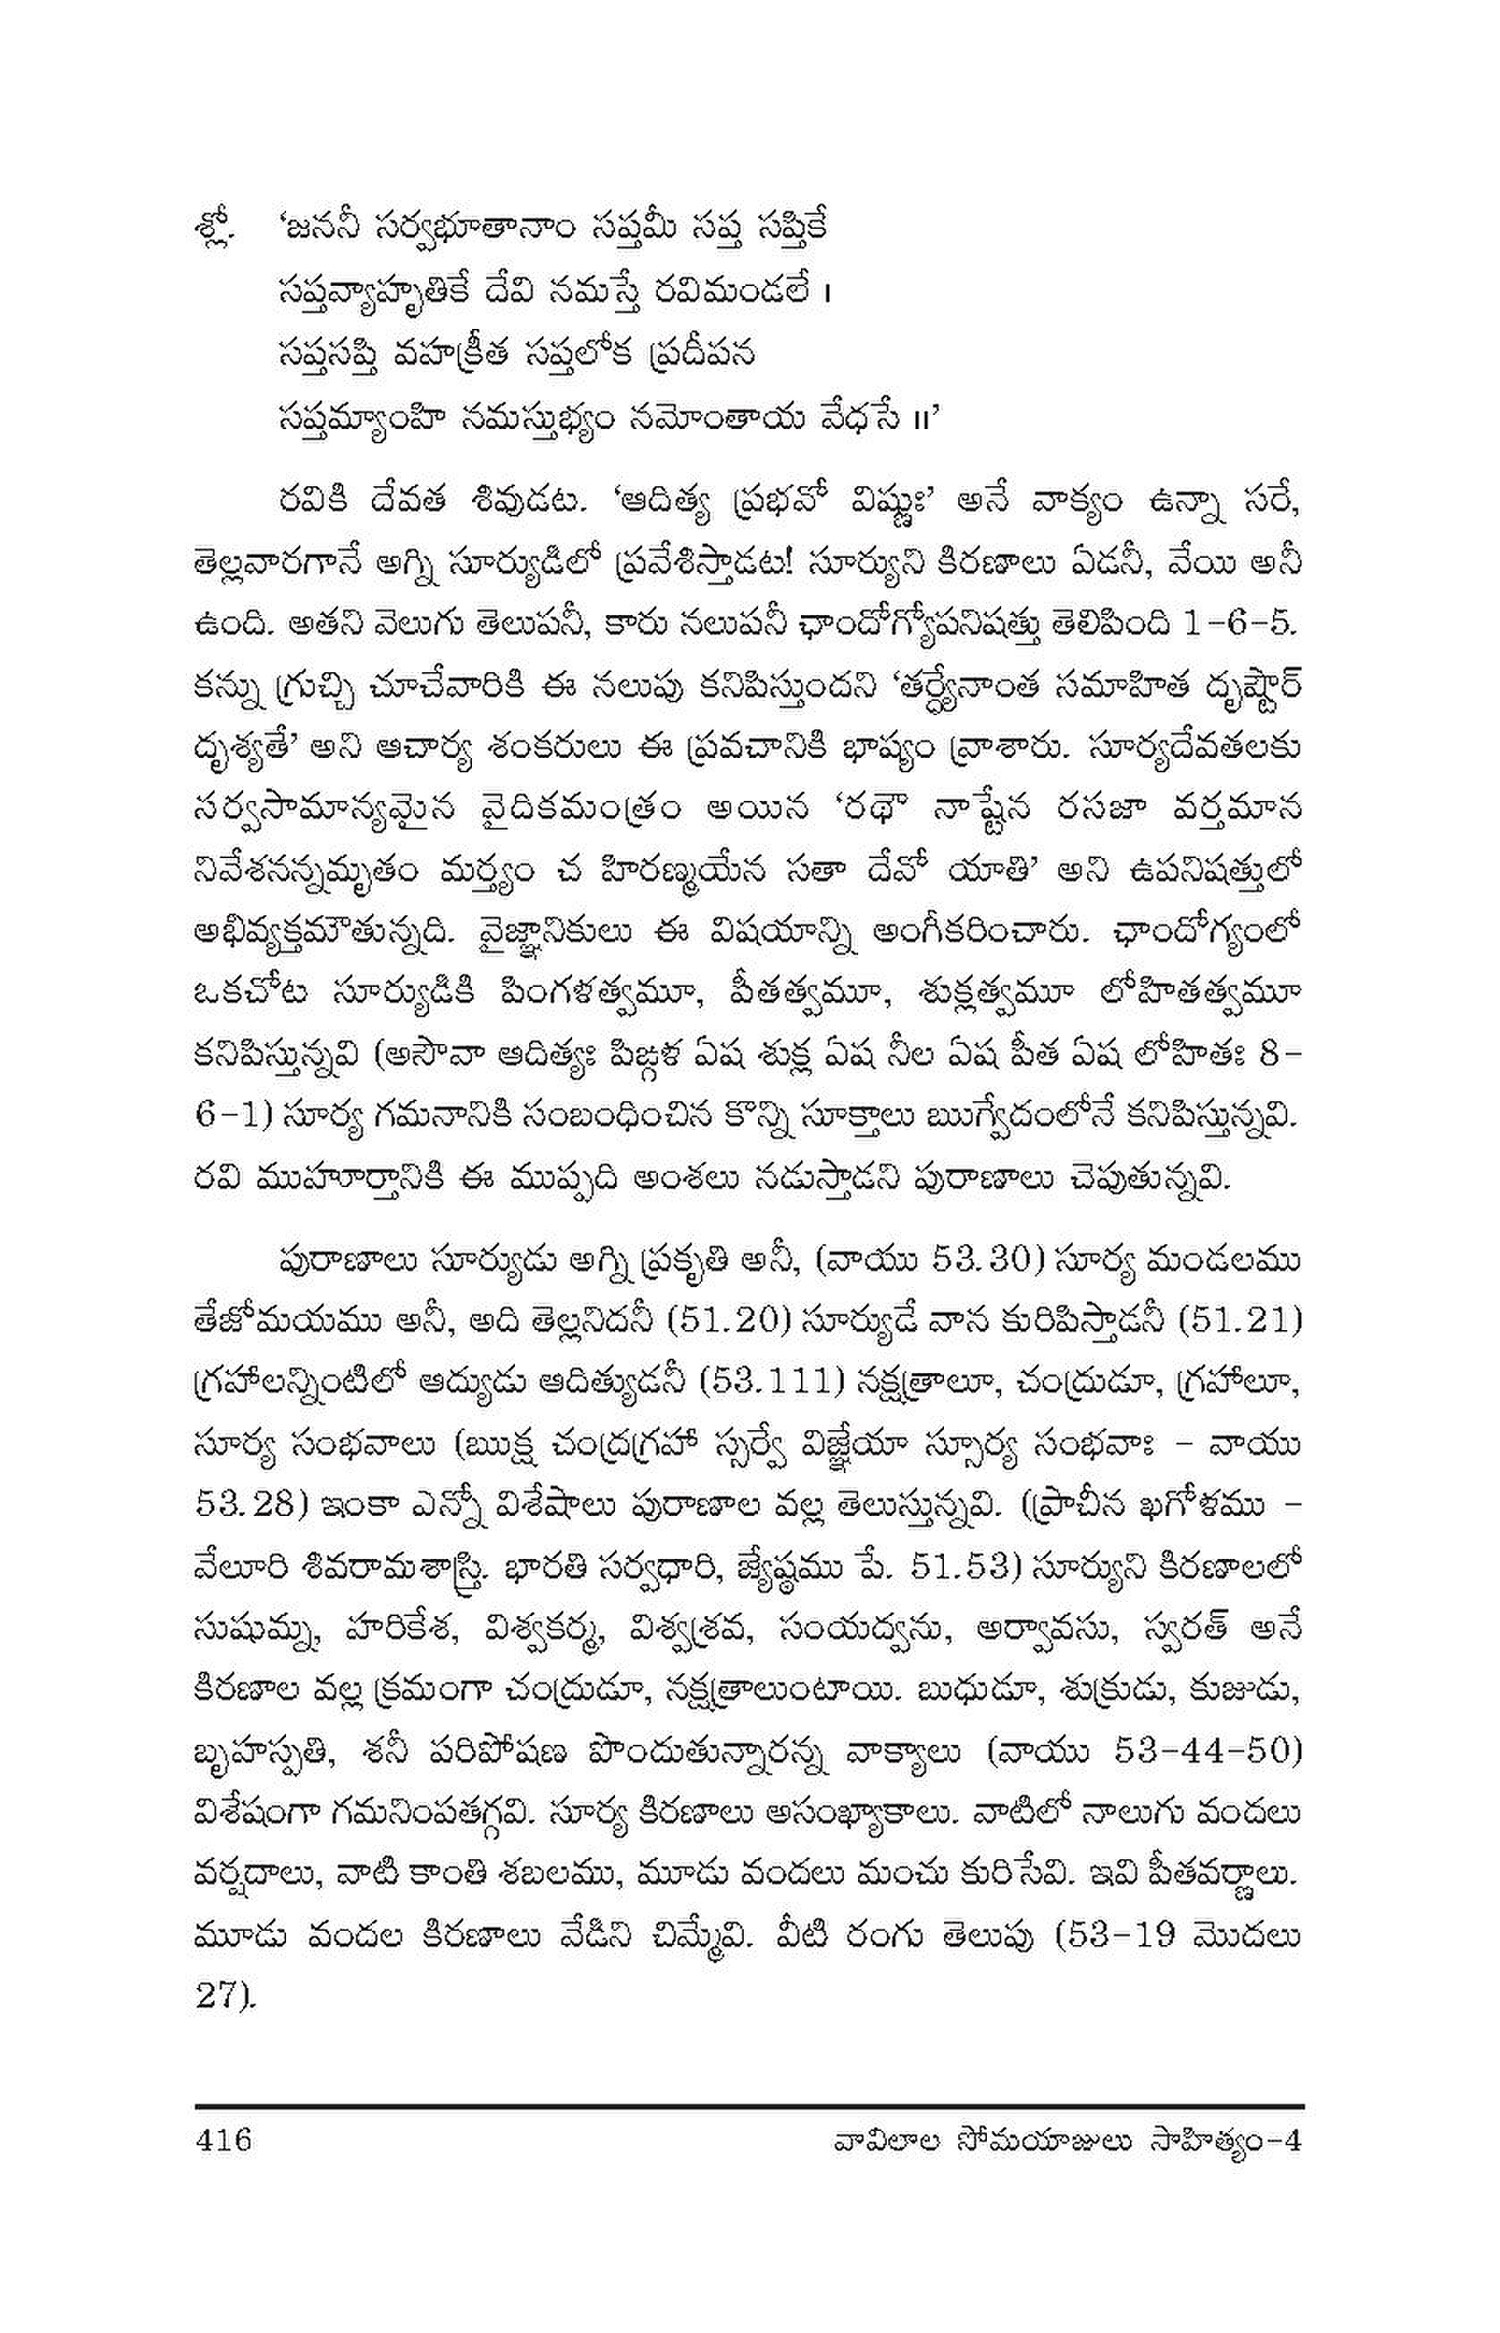శ్లో. 'జననీ సర్వభూతానాం సప్తమీ సప్త సప్తికే
సప్తవ్యాహృతికే దేవి నమస్తే రవిమండలే |
సప్తసప్తి వహక్రీత సప్తలోక ప్రదీపన
సప్తమ్యాంహి నమస్తుభ్యం నమోంతాయ వేధసే ॥'

రవికి దేవత శివుడట. 'ఆదిత్య ప్రభవో విష్ణుః' అనే వాక్యం ఉన్నా సరే,
తెల్లవారగానే అగ్ని సూర్యుడిలో ప్రవేశిస్తాడట! సూర్యుని కిరణాలు ఏడనీ, వేయి అనీ
ఉంది. అతని వెలుగు తెలుపనీ, కారు నలుపనీ ఛాందోగ్యోపనిషత్తు తెలిపింది 1-6-5.
కన్ను గ్రుచ్చి చూచేవారికి ఈ నలుపు కనిపిస్తుందని 'తర్ధ్వేనాంత సమాహిత దృష్టార్
దృశ్యతే' అని ఆచార్య శంకరులు ఈ ప్రవచానికి భాష్యం వ్రాశారు. సూర్యదేవతలకు
సర్వసామాన్యమైన వైదికమంత్రం అయిన 'రధౌ నాష్టేన రసజా వర్తమాన
నివేశనన్నమృతం మర్త్యం చ హిరణ్మయేన సతా దేవో యాతి' అని ఉపనిషత్తులో
అభివ్యక్తమౌతున్నది. వైజ్ఞానికులు ఈ విషయాన్ని అంగీకరించారు. ఛాందోగ్యంలో
ఒకచోట సూర్యుడికి పింగళత్వమూ, పీతత్వమూ, శుక్లత్వమూ లోహితత్వమూ
కనిపిస్తున్నవి (అసౌవా ఆదిత్యః పిఙ్గళ ఏష శుక్ల ఏష నీల ఏష పీత ఏష లోహితః 8-
6-1) సూర్య గమనానికి సంబంధించిన కొన్ని సూక్తాలు ఋగ్వేదంలోనే కనిపిస్తున్నవి.
రవి ముహూర్తానికి ఈ ముప్పది అంశలు నడుస్తాడని పురాణాలు చెపుతున్నవి.

పురాణాలు సూర్యుడు అగ్ని ప్రకృతి అనీ, (వాయు 53.30) సూర్య మండలము
తేజోమయము అనీ, అది తెల్లనిదనీ (51.20) సూర్యుడే వాన కురిపిస్తాడనీ (51.21)
గ్రహాలన్నింటిలో ఆద్యుడు ఆదిత్యుడనీ (53.111) నక్షత్రాలూ, చంద్రుడూ, గ్రహాలూ,
సూర్య సంభవాలు (ఋక్ష చంద్రగ్రహా స్సర్వే విజ్ఞేయా స్సూర్య సంభవాః - వాయు
53. 28) ఇంకా ఎన్నో విశేషాలు పురాణాల వల్ల తెలుస్తున్నవి. (ప్రాచీన ఖగోళము
వేలూరి శివరామశాస్త్రి. భారతి సర్వధారి, జ్యేష్ఠము పే. 51.53) సూర్యుని కిరణాలలో
సుషుమ్న, హరికేశ, విశ్వకర్మ, విశ్వశ్రవ, సంయద్వను, అర్వావసు, స్వరత్ అనే
కిరణాల వల్ల క్రమంగా చంద్రుడూ, నక్షత్రాలుంటాయి. బుధుడూ, శుక్రుడు, కుజుడు,
బృహస్పతి, శనీ పరిపోషణ పొందుతున్నారన్న వాక్యాలు (వాయు 53-44-50)
విశేషంగా గమనింపతగ్గవి. సూర్య కిరణాలు అసంఖ్యాకాలు. వాటిలో నాలుగు వందలు
వర్షదాలు, వాటి కాంతి శబలము, మూడు వందలు మంచు కురిసేవి. ఇవి పీతవర్ణాలు.
మూడు వందల కిరణాలు వేడిని చిమ్మేవి. వీటి రంగు తెలుపు (53-19 మొదలు
27).